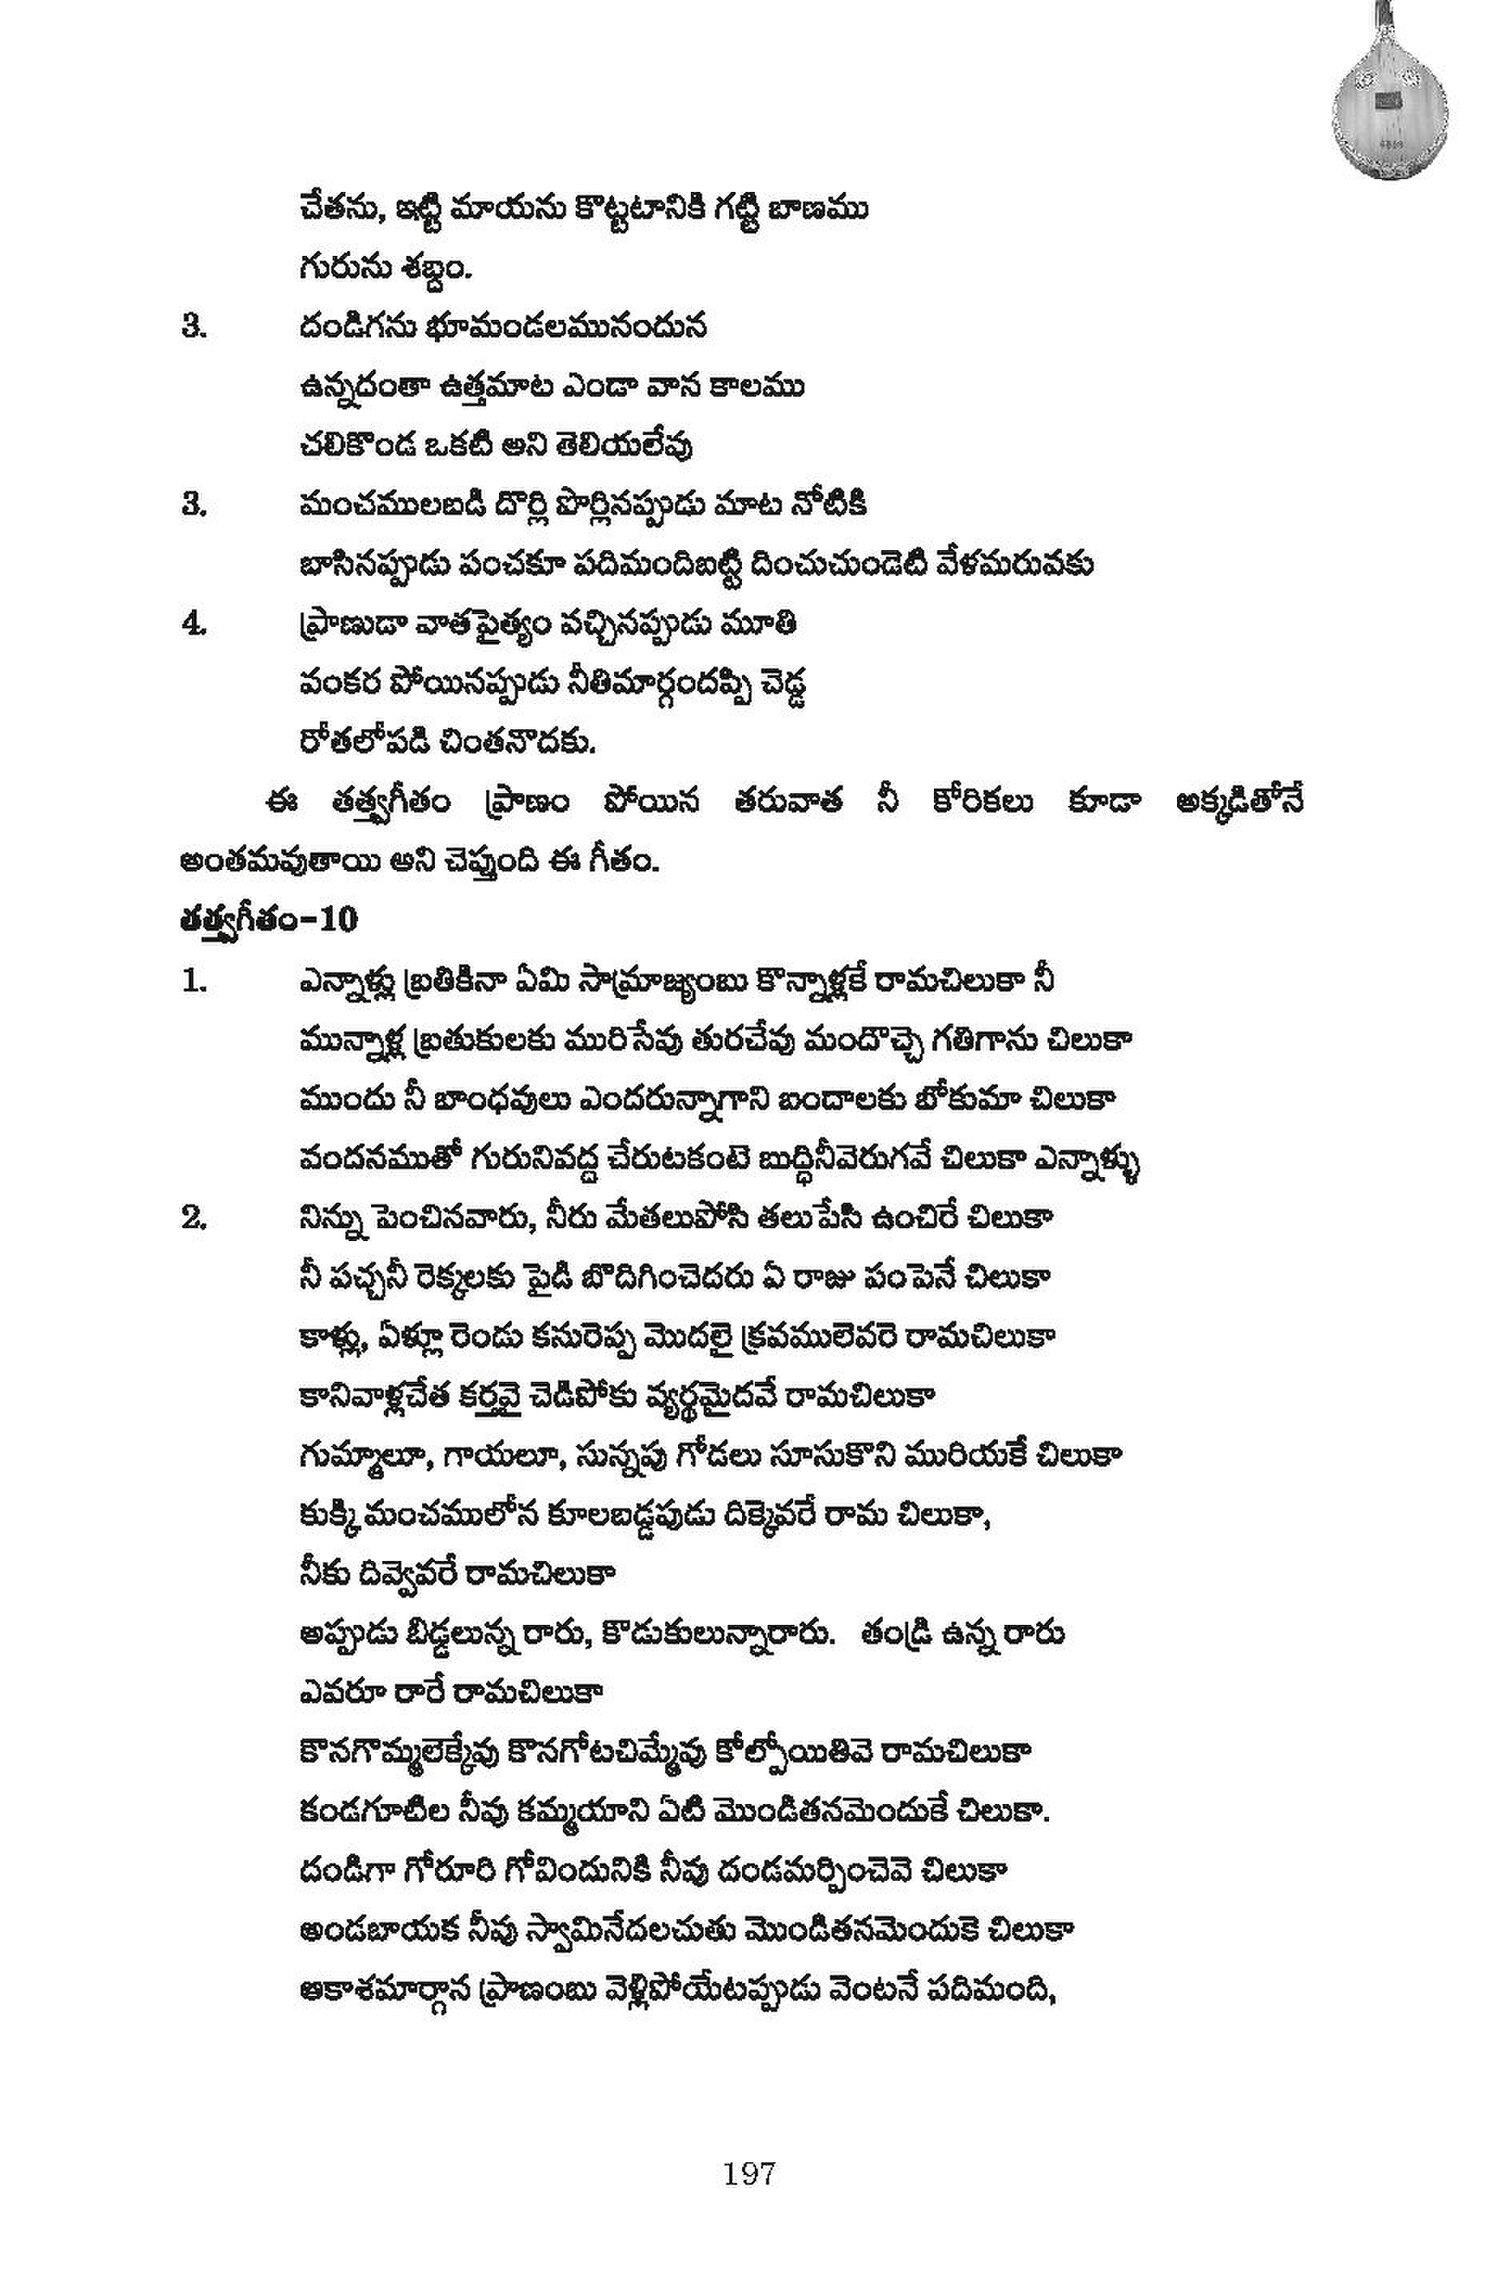చేతను, ఇట్టి మాయను కొట్టటానికి గట్టి బాణము
గురును శబ్దం.

2. దండిగను భూమండలమునందున
ఉన్నదంతా ఉత్తమాట ఎండా వాన కాలము
చలికొండ ఒకటి అని తెలియలేవు

3. మంచములబడి దొర్లి పొర్లినప్పుడు మాట నోటికి
బాసినప్పుడు పంచకూ పదిమందిబట్టి దించుచుండెటి వేళమరువకు

4. ప్రాణుడా వాత పైత్యం వచ్చినప్పుడు మూతి
వంకర పోయినప్పుడు నీతిమార్గందప్పి చెడ్డ
రోతలోపడి చింతనొదకు.

ఈ తత్త్వగీతం ప్రాణం పోయిన తరువాత నీ కోరికలు కూడా అక్కడితోనే అంతమవుతాయి అని చెప్తుంది ఈ గీతం.

తత్త్వగీతం-10 

1. ఎన్నాళ్లు బ్రతికినా ఏమి సామ్రాజ్యంబు కొన్నాళ్లకే రామచిలుకా నీ
మున్నాళ్ల బ్రతుకులకు మురిసేవు తురచేవు మందొచ్చె గతిగాను చిలుకా
ముందు నీ బాంధవులు ఎందరున్నాగాని బందాలకు బోకుమా చిలుకా
వందనముతో గురునివద్ద చేరుటకంటె బుద్ధినీవెరుగవే చిలుకా ఎన్నాళ్ళు

2. నిన్ను పెంచినవారు, నీరు మేతలుపోసి తలుపేసి ఉంచిరే చిలుకా
నీ పచ్చనీ రెక్కలకు పైడి బొదిగించెదరు ఏ రాజు పంపెనే చిలుకా
కాళ్లు, ఏళ్లూ రెండు కనురెప్ప మొదలై క్రవములెవరె రామచిలుకా
కానివాళ్లచేత కర్తవై చెడిపోకు వ్యర్థమైదవే రామచిలుకా
గుమ్మాలూ, గాయలూ, సున్నపు గోడలు సూసుకొని మురియకే చిలుకా
కుక్కి మంచములోన కూలబడ్డపుడు దిక్కెవరే రామ చిలుకా,
నీకు దివ్వెవరే రామచిలుకా
అప్పుడు బిడ్డలున్న రారు, కొడుకులున్నారారు. తండ్రి ఉన్న రారు
ఎవరూ రారే రామచిలుకా
కొనగొమ్మలెక్కేవు కొనగోటచిమ్మేవు కోల్పోయితివె రామచిలుకా
కండగూటిల నీవు కమ్మయాని ఏటి మొండితనమెందుకే చిలుకా.
దండిగా గోరూరి గోవిందునికి నీవు దండమర్పించెవె చిలుకా
అండబాయక నీవు స్వామినేదలచుతు మొండితనమెందుకె చిలుకా
ఆకాశమార్గాన ప్రాణంబు వెళ్లిపోయేటప్పుడు వెంటనే పదిమంది,